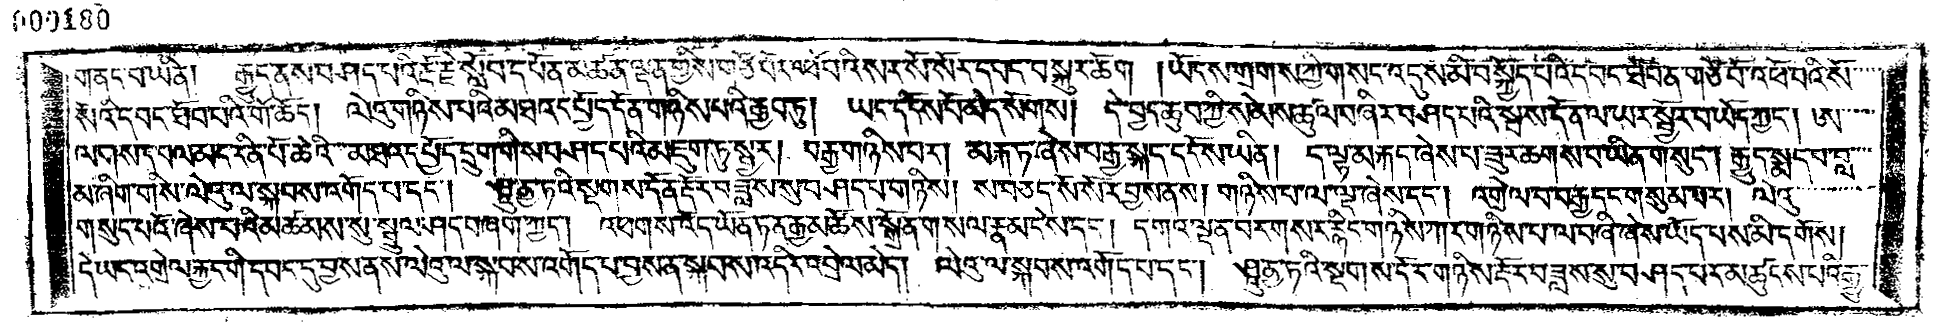གནང་བ་ཡིན། རྒྱུད་ནས་བཤད་པའི་རྡོ་རྗེ་སློབ་དཔོན་མཚན་ལྡན་གྱིས་གཙོ་བོར་འཕོ་བའི་སར་སོ་སོར་དབང་བསྐུར་ཆོག །ཡོངས་གྲགས་ཀྱི་གསང་འདུས་མི་བསྐྱོད་པའི་དབང་ཐོབ་ན་གཙོ་བོ་འཕོ་བའི་སོ་
སོའི་དབང་ཐོབ་པའི་གོ་ཆོད། ལེའུ་གཉིས་པའི་མཐའ་དཔྱོད་དོན་གཉིས་པའི་རྒྱབ་ཏུ། ཡང་དངོས་པོ་མེད་སོགས། དེ་བྱང་ཆུབ་ཀྱི་སེམས་ཚུལ་བཞིར་བཤད་པའི་སྦས་དོན་ལ་ཡར་སྦྱོར་བ་ཡོད་ཀྱང་། ཨ་
ལགས་དཔལ་མང་རིན་པོ་ཆེའི་མཐའ་དཔྱོད་དྲུག་གིས་བཤད་པའི་མཇུག་ཏུ་སྦྱར། བརྒྱ་གཉིས་པར། མྲྐ་ཏ་ཞེས་བརྒྱ་སྐད་དངོས་ཡིན། ད་ལྟ་མྲྐད་ཞེས་པ་ཟུར་ཆགས་པ་ཡིན་གསུང་། རྒྱུད་སྨད་བ་བླ་
མ་ཞིག་གིས་ལེའུ་ལ་སྐབས་འགོད་པ་དང་། ཤཱུ་ནྱ་ཏའི་སྔགས་དོན་རྡོར་བཟླས་སུ་བཤད་པ་གཉིས། ས་བཅད་སོ་སོར་བྱས་ནས། གཉིས་པ་ལ་ལྔ་ཞེས་དང་། འགྲེལ་བ་བརྒྱ་དང་གསུམ་པར། ལེའུ་
གསུང་པའོ་ཞེས་པའི་མཚམས་སུ་སྤྲུལ་ཤད་བཞག་ཀྱང་། འཕགས་འོད་ཡོན་ཏན་རྒྱ་མཚོས་སྒྲོན་གསལ་རྣམ་ངེས་དང་། དགའ་ལྡན་བར་གསར་རྙིང་གཉིས་ཀར་གཉིས་པ་ལ་བཞི་ཞེས་ཡོད་པས་མི་དགོས།
དེ་ཡང་འགྲེལ་རྐྱང་གི་དབང་དུ་བྱས་ནས་ལེའུ་ལ་སྐབས་འགོད་པ་བྱས་ན་སྐབས་འདིར་འབྲེལ་མེད། ལེའུ་ལ་སྐབས་འགོད་པ་དང་། ཤཱུ་ནྱ་ཏའི་སྔགས་དོར་གཉིས་རྡོར་བཟླས་སུ་བཤད་པར་མཚུངས་པའི་རྒྱུ་